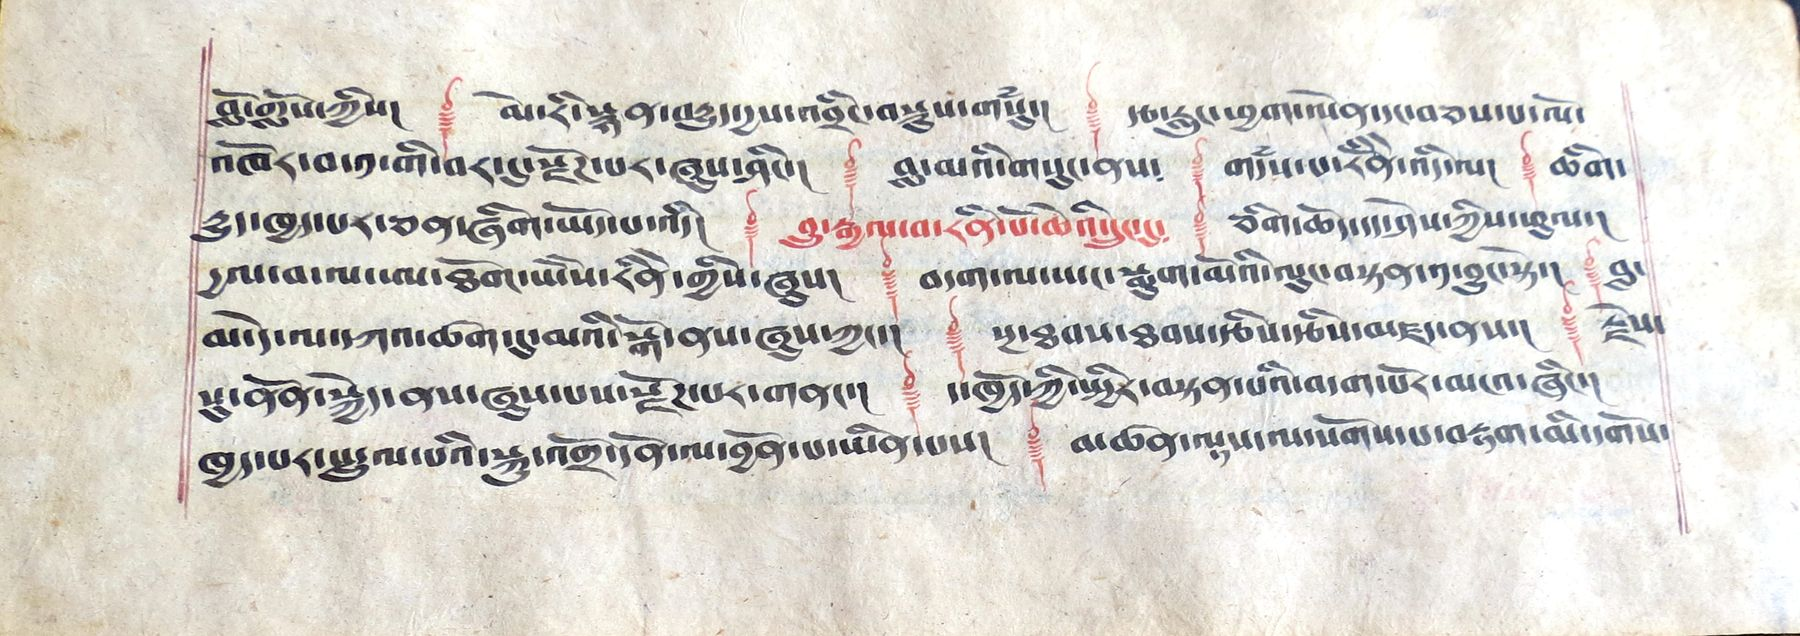ཀྱིས་མེ་རི་དང་སྙན་རྒྱུད་རྒྱས་འབྲིང་བསྡུས་གསུམ། རྩ་རླུང་ཕྱག་ལེན་དང་བཅས་པ། ལོ་
འཁོར་བ་གཅིག་གི་བར་དུ་རྫོགས་པར་ཞུས་རྟིང་། བླ་མའི་གསུངས་ནས་གདམས་པ་རིན་པོ་ཆེ་འདི་ལ་གཅིག་
བརྒྱུད་ཁྱད་པར་ཅན་གཅིག་ཡོད་པ་འདི། བྲུ་རྒྱལ་བ་རིན་པོ་ཆེའི་དྲུང་དུ་གཅིག་ཆོད་དད་ཤེས་ཀྱིས་ཕུལ། 
རྒྱལ་བ་ལ་ཨ་ཐོག་ཡེ་ཤེས་རིན་ཆེན་གྱིས་ཞུས། བདག་ལ་ཡང་སྨུག་མོས་ལུང་སྟོན་ཅིག་བྱུང་སྟེ། བླ་
མ་དེ་ལ་དཀའ་ཚགས་དུ་མའི་སྒོ་ནས་ཞུས་ཀྱང་། སྔ་ཐབས་རྩིས་རྩིས་མཛད་ནས་མ་གནང་། རྗེས་
སུ་ནན་སྐྱེད་པས་རྫོགས་པར་གནང་། ད་ཁྱོད་སྤྱིར་བསྟན་པའི་བདག་པོར་གདའ་ཞིང་། 
ཁྱད་པར་སྤྲུལ་པའི་སྐུ་འགྲོ་དོན་ལ་བྱོན་པ་ཡིན་པས། མཚན་ལྟས་ལས་སོགས་པ་བརྟག་མི་དགོས།